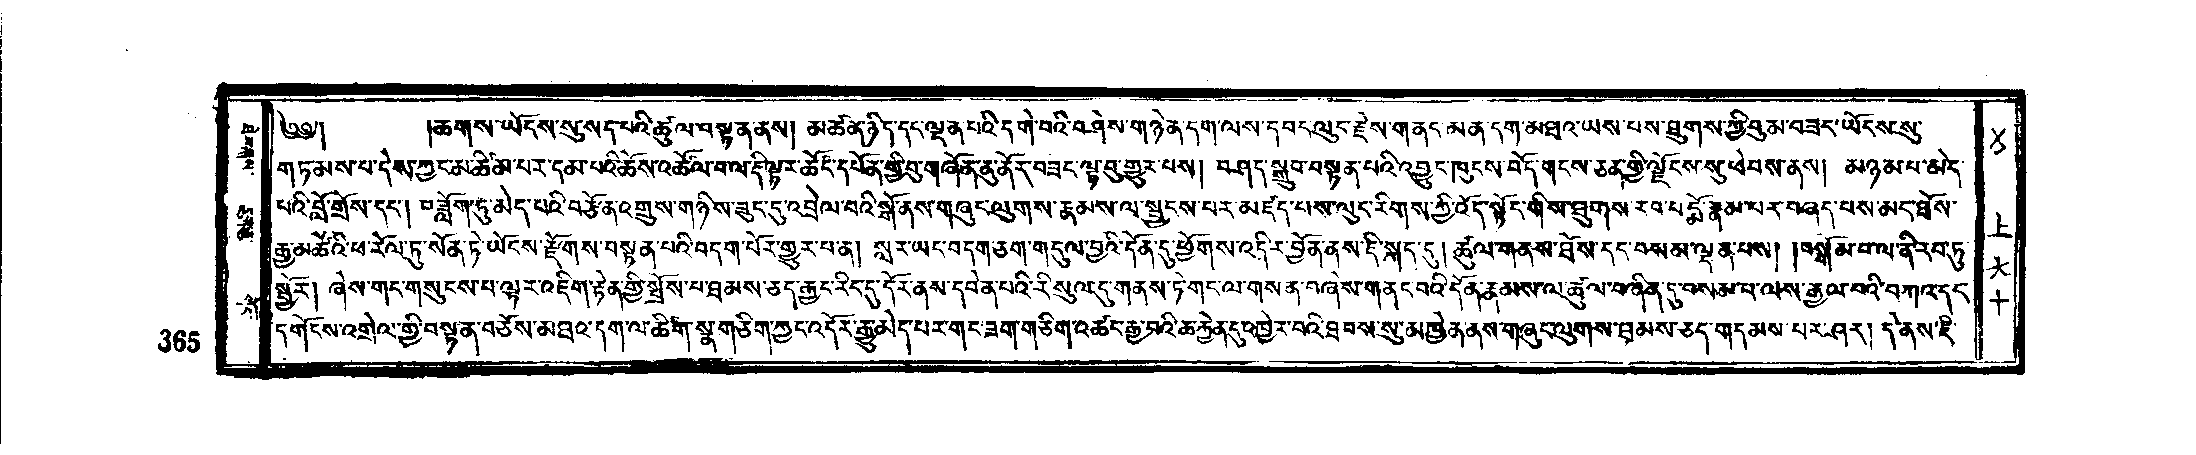༄༅། །ཆགས་ཡོངས་སུ་སད་པའི་ཚུལ་བསྟན་ནས། མཚན་ཉིད་དང་ལྡན་པའི་དགེ་བའི་བཤེས་གཉེན་དག་ལས་དབང་ལུང་རྗེས་གནང་མན་ངག་མཐའ་ཡས་པས་ཐུགས་ཀྱི་བུམ་བཟང་ཡོངས་སུ་
གཏམས་པ་དེས་ཀྱང་མ་ཚིམ་པར་དམ་པའི་ཆོས་འཚོལ་བ་ལ་ཇི་ལྟར་ཚོང་དཔོན་གྱི་བུ་གཞོན་ནུ་ནོར་བཟང་ལྟ་བུ་གྱུར་པས། བཤད་སྒྲུབ་བསྟན་པའི་འབྱུང་ཁུངས་བོད་གངས་ཅན་གྱི་ལྗོངས་སུ་ཕེབས་ནས། མཉམ་པ་མེད་
པའི་བློ་གྲོས་དང་། བཟློག་ཏུ་མེད་པའི་བརྩོན་འགྲུས་གཉིས་ཟུང་དུ་འབྲེལ་བའི་སྒོ་ནས་གཞུང་ལུགས་རྣམས་ལ་སྦྱངས་པར་མཛད་པས་ལུང་རིགས་ཀྱི་འོད་སྟོང་གིས་ཐུགས་རབ་པདམོ་རྣམ་པར་བཞད་པས་མང་ཐོས་
རྒྱ་མཚོའི་ཕ་རོལ་ཏུ་སོན་ཏེ་ཡོངས་རྫོགས་བསྟན་པའི་བདག་པོར་གྱུར་པ་ན། སླར་ཡང་བདག་ཅག་གདུལ་བྱའི་དོན་དུ་ཕྱོགས་འདིར་བྱོན་ནས་ཇི་སྐད་དུ། ཚུལ་གནས་ཐོས་དང་བསམ་ལྡན་པས། །བསྒོམ་པ་ལ་ནི་རབ་ཏུ་
སྦྱོར། ཞེས་གང་གསུངས་པ་ལྟར་འཇིག་རྟེན་གྱི་སྤྲོས་པ་ཐམས་ཅད་རྒྱང་རིང་དུ་དོར་ནས་དབེན་བའི་རི་སུལ་དུ་གནས་ཏེ་གང་ལ་གསན་བཞེས་གནང་བའི་དོན་རྣམས་ལ་ཚུལ་བཞིན་དུ་བསམ་པ་ལས་རྒྱལ་བའི་བཀའ་དང་
དགོངས་འགྲེལ་གྱི་བསྟན་བཅོས་མཐའ་དག་ལ་ཚིག་སྣ་གཅིག་ཀྱང་འདོར་རྒྱུ་མེད་པར་གང་ཟག་གཅིག་འཚང་རྒྱ་བའི་ཆ་རྐྱེན་དུ་འཁྱེར་བའི་ཐབས་སུ་མཁྱེན་ནས་གཞུང་ལུགས་ཐམས་ཅད་གདམས་པར་ཤར། དེ་ནས་ཇི་